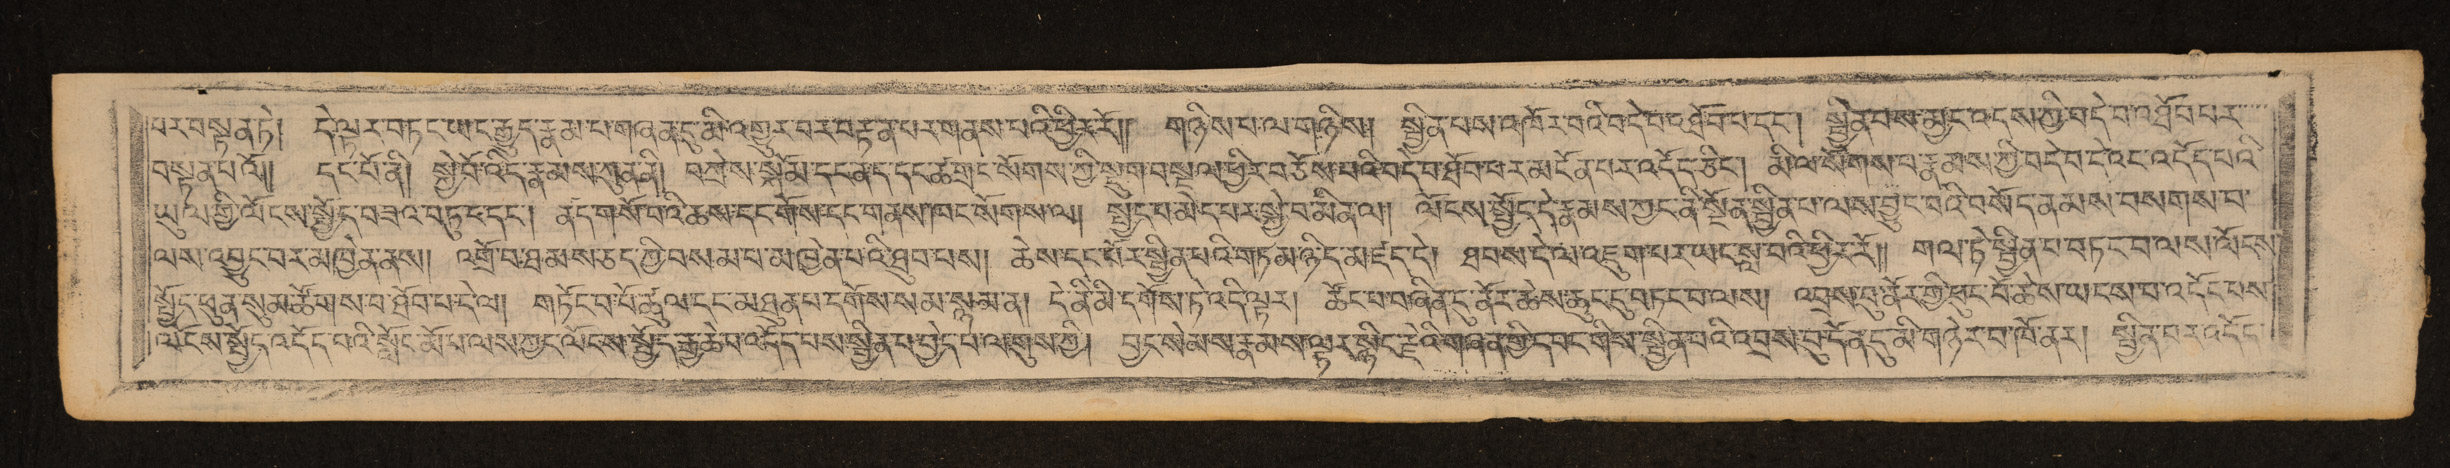པར་བསྟན་ཏེ། དེ་ལྟར་བཏང་ཡང་རྒྱུད་རྣམ་པ་གཞན་དུ་མི་འགྱུར་བར་བརྟན་པར་གནས་པའི་ཕྱིར་རོ།། གཉིས་པ་ལ་གཉིས། སྦྱིན་པས་འཁོར་བའི་བདེ་བ་འཐོབ་པ་དང་། སྦྱིན་པས་མྱང་འདས་ཀྱི་བདེ་བ་འཐོབ་པར་
བསྟན་པའོ།། དང་པོ་ནི། སྐྱེ་བོ་འདི་རྣམས་ཀུན་ནི། བཀྲེས་སྐོམ་དང་ནད་དང་ཚ་གྲང་སོགས་ཀྱི་སྡུག་བསྔལ་ཕྱིར་བཅོས་པའི་བདེ་བ་ཐོབ་པར་མངོན་པར་འདོད་ཅིང་། མི་ལ་སོགས་པ་རྣམས་ཀྱི་བདེ་བ་དེའང་འདོད་པའི་
ཡུལ་གྱི་ལོངས་སྤྱོད་བཟའ་བཏུང་དང་། ནད་གསོ་བའི་ཆས་དང་གོས་དང་གནས་ཁང་སོགས་ལ། སྤྱད་པ་མེད་པར་སྐྱེ་བ་མིན་ལ། ལོངས་སྤྱོད་དེ་རྣམས་ཀྱང་ནི་སྔོན་སྦྱིན་པ་ལས་བྱུང་བའི་བསོད་ནམས་བསགས་པ་
ལས་འབྱུང་བར་མཁྱེན་ནས། འགྲོ་བ་ཐམས་ཅད་ཀྱི་བསམ་པ་མཁྱེན་པའི་ཐུབ་པས། ཆེས་དང་པོར་སྦྱིན་པའི་གཏམ་ཉིད་མཛད་དེ། ཐབས་དེ་ལ་འཇུག་པར་ཡང་སླ་བའི་ཕྱིར་རོ།། གལ་ཏེ་སྦྱིན་པ་བཏང་བ་ལས་ལོངས་
སྤྱོད་ཕུན་སུམ་ཚོགས་པ་ཐོབ་པ་དེ་ལ། གཏོང་བ་པོ་ཚུལ་དང་མཐུན་པ་དགོས་སམ་སྙམ་ན། དེ་ནི་མི་དགོས་ཏེ་འདི་ལྟར། ཚོང་པ་བཞིན་དུ་ནོར་ཆེས་ཆུང་ངུ་བཏང་བ་ལས། འབྲས་བུ་ནོར་གྱི་ཕུང་པོ་ཆེས་ཡངས་བ་འདོད་པས་
ལོངས་སྤྱོད་འདོད་པའི་སློང་མོ་བ་ལས་ཀྱང་ལོངས་སྤྱོད་རྒྱ་ཆེ་བ་འདོད་པས་སྦྱིན་པ་བྱེད་པ་ལ་གུས་ཀྱི། བྱང་སེམས་རྣམས་ལྟར་སྙིང་རྗེའི་གཞན་གྱི་དབང་གིས་སྦྱིན་པའི་འབྲས་བུ་དོན་དུ་མི་གཉེར་བ་ཁོ་ནར། སྦྱིན་པར་འདོད་